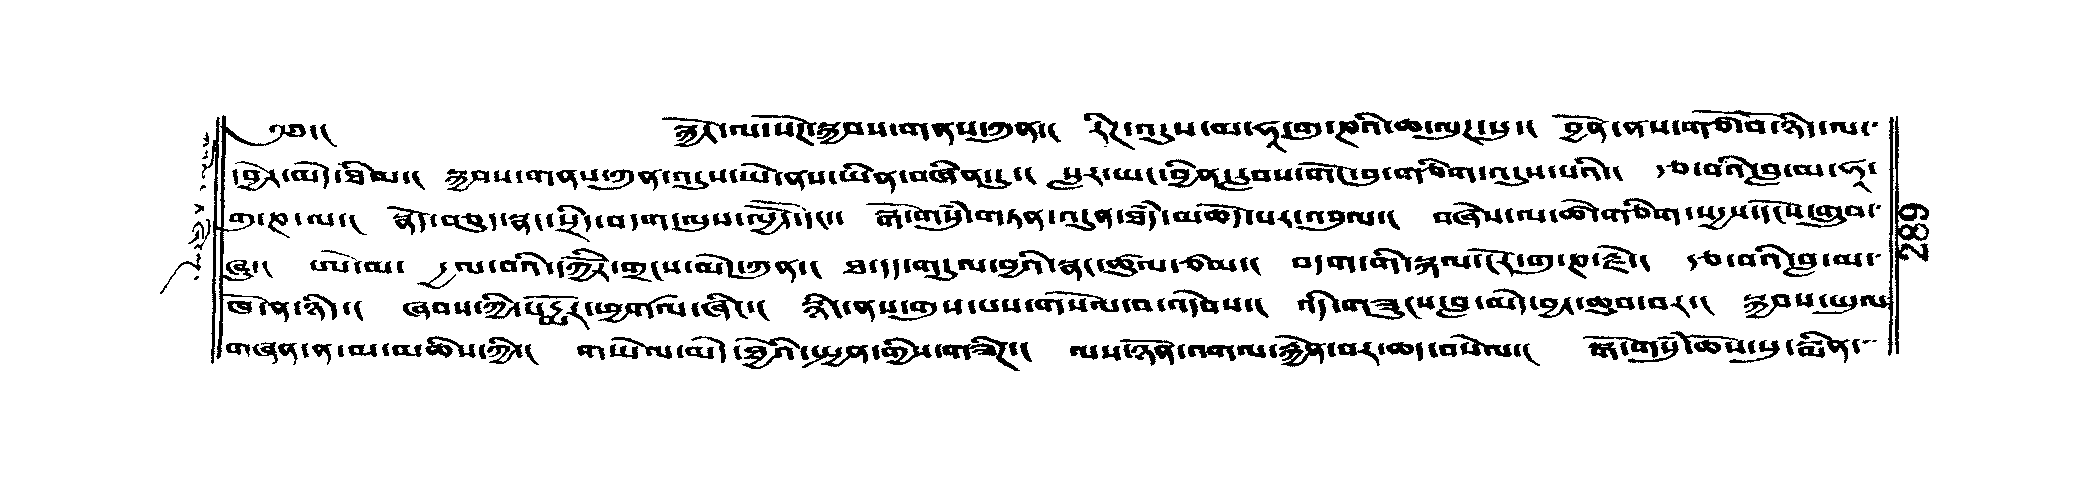སྐྱོང་ལ་སོགས་སྐྱབས་གནས་ཀུན། །རིགས་འདུས་མ་ཧཱ་གུ་ཎའི་ཆ་ལུགས་སུ། །བྱོན་ནས་གཙོ་བོ་ཉིད་ལ་
དབྱེར་མེད་ཐིམ། །སྐྱབས་གནས་ཀུན་འདུས་ཡེ་ནས་ཡིན་བཞིན་དུ། །སླར་ཡང་བྱིན་རླབས་གོང་བུ་གཅིག་འདུས་པའི། །རྩ་བའི་བླ་མ་མ་ཧཱ་
གུ་ཎ་ལ། །སྣོད་བཅུད་སྣང་སྲིད་བདག་ལུས་ལོངས་སྤྱོད་དང་། །སྒོ་གསུམ་གཏན་འདུན་ཐམས་ཅད་མཆོད་པར་འབུལ། །བཞེས་ལ་ཚེ་གཅིག་སངས་རྒྱས་དངོས་གྲུབ་
ཞུ། ཨེ་མ། རྒྱལ་བའི་དཀྱིལ་འཁོར་གྲངས་མེད་ཀུན། །ཐ་དད་གདུལ་བྱའི་སྣང་ཚུལ་ཙམ། །བདག་གི་སྐལ་ངོར་གུ་ཎ་རྗེ། །རྩ་བའི་བླ་མ་
ཁོ་ན་ཉིད། །ཞབས་ཀྱི་པདྨོར་ཕྱག་འཚལ་ཞིང་། །སྙིང་ནས་གུས་པས་གསོལ་བ་འདེབས། །འདི་བཟུང་བླ་མེད་བྱང་ཆུབ་བར། །སྐྱབས་ཡུལ་
གཞན་ན་མ་མཆིས་ཀྱི། །གཡེལ་མེད་ཐུགས་རྗེའི་སྤྱན་གྱིས་གཟིགས། །ལས་ཉོན་འགལ་རྐྱེན་བར་ཆད་སེལ། །སྒོ་གསུམ་ཆོས་སུ་སྨིན་